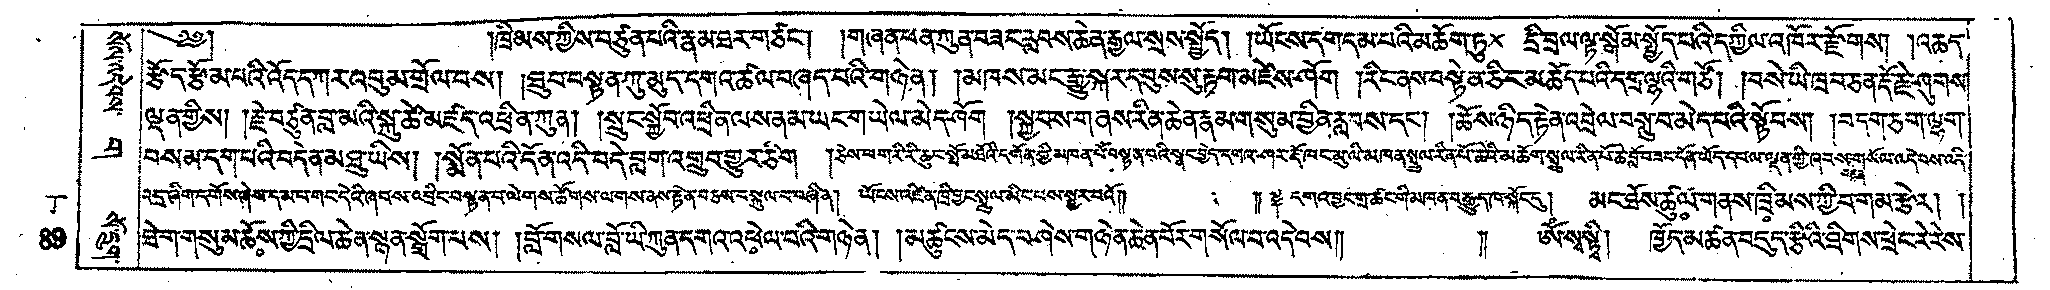༄༅། །ཁྲིམས་ཀྱིས་བཙུན་པའི་རྣམ་ཐར་གཙང་། །གཞན་ཕན་ཀུན་བཟང་བརླབས་ཆེན་རྒྱལ་སྲས་སྤྱོད། །ཡོངས་དག་དམ་པའི་མཆོག་ཏུ་྾་དྲི་བྲལ་ལྟ་སྒོམ་སྤྱོད་པའི་དཀྱིལ་འཁོར་རྫོགས། འཆད་
རྩོད་རྩོམ་པའི་འོད་དཀར་འབུམ་གྲོལ་བས། །ཐུབ་བསྟན་ཀུ་མུད་དགའ་ཚལ་བཞད་པའི་གཉེན། །མཁས་མང་རྒྱུ་སྐར་དབུས་སུ་རྟག་མཛེས་ཤོག །རིང་ནས་བསྟེན་ཅིང་མཆོད་པའི་དགྲ་ལའི་གཙོ། །བསེ་ཡི་ཁྲ་བ་ཅན་རྡོ་རྗེ་ཤུགས་
ལྡན་གྱིས། །རྗེ་བཙུན་བླ་མའི་སྐུ་ཚེ་མཛད་འཕྲིན་ཀུན། །སྲུང་སྐྱོབས་འཕྲིན་ལས་ནམ་ཡང་གཡེལ་མེད་ཤོག །སྐྱབས་གནས་རིན་ཆེན་རྣམ་གསུམ་བྱིན་རླབས་དང་། །ཆོས་ཉིད་རྟེན་འབྲེལ་བསླུ་བ་མེད་པའི་སྟོབས། །བདག་ཅག་ལྷག་
བསམ་དག་པའི་བདེ་ནས་མཐུ་ཡིས། །སྨོན་པའི་དོན་འདི་བདེ་བླག་འགྲུབ་གྱུར་ཅིག་ཅེས་ཕག་རི་རི་ཆུང་སྤོ་མཐོའི་དགོན་གྱི་མཁན་པོ་བསྟན་པའི་སྣང་བྱེད་དགའ་ཤར་རྡོ་ཁང་མུ་ལི་མཁན་སྤྲུལ་རིན་པོ་ཆེའི་མཆོག་སྤྲུལ་རིན་པོ་ཆེའི་ཆེ་བློ་བང་དོན་ཡོད་དཔལ་ལྡན་གྱི་ཞབས་བརྟན་གསོལ་འདེབས་འདི་
འདྲ་ཞིག་དགོས་ཞེས་དམ་པ་གང་དེའི་ཞབས་འབྲིང་བསྟན་པ་ལེགས་ཚོགས་ལགས་ནས་བརྟན་བཅས་བསྐུལ་བ་བཞིན། །ཡོངས་འཛིན་ཁྲི་བྱང་སྤྲུལ་མིང་བས་སྦྱར་བའོ།། །། འ་དགའ་བྱང་དགྲ་ཚང་གི་མཁན་བརྒྱུད་ཁ་སྐོང་དུ། མང་ཐོས་ཚུལ྾་གནས་ཁྲིམས྾་ཀྱི་བ་གམ་རྩེར། །
ཐེག་གསུམ་ཆོས྾་ཀྱི་དྲིལ་ཆེན་སྙན་སྒྲོགས་པས། །བློ་གསལ་བློ་ཡི་ཀུན་དགའ་འཕེལ྾་བའི་གཉེན། །མཚུངས་མེད་བཤེས་གཉེན་ཆེན་པོར་གསོལ་བ་འདེབས།། །། ཨོཾ་སྭསྟྭི་ཁྱོད་མཚན་བདུད་རྩིའི་ཐིགས་ཕྲེང་རེ་རེས་